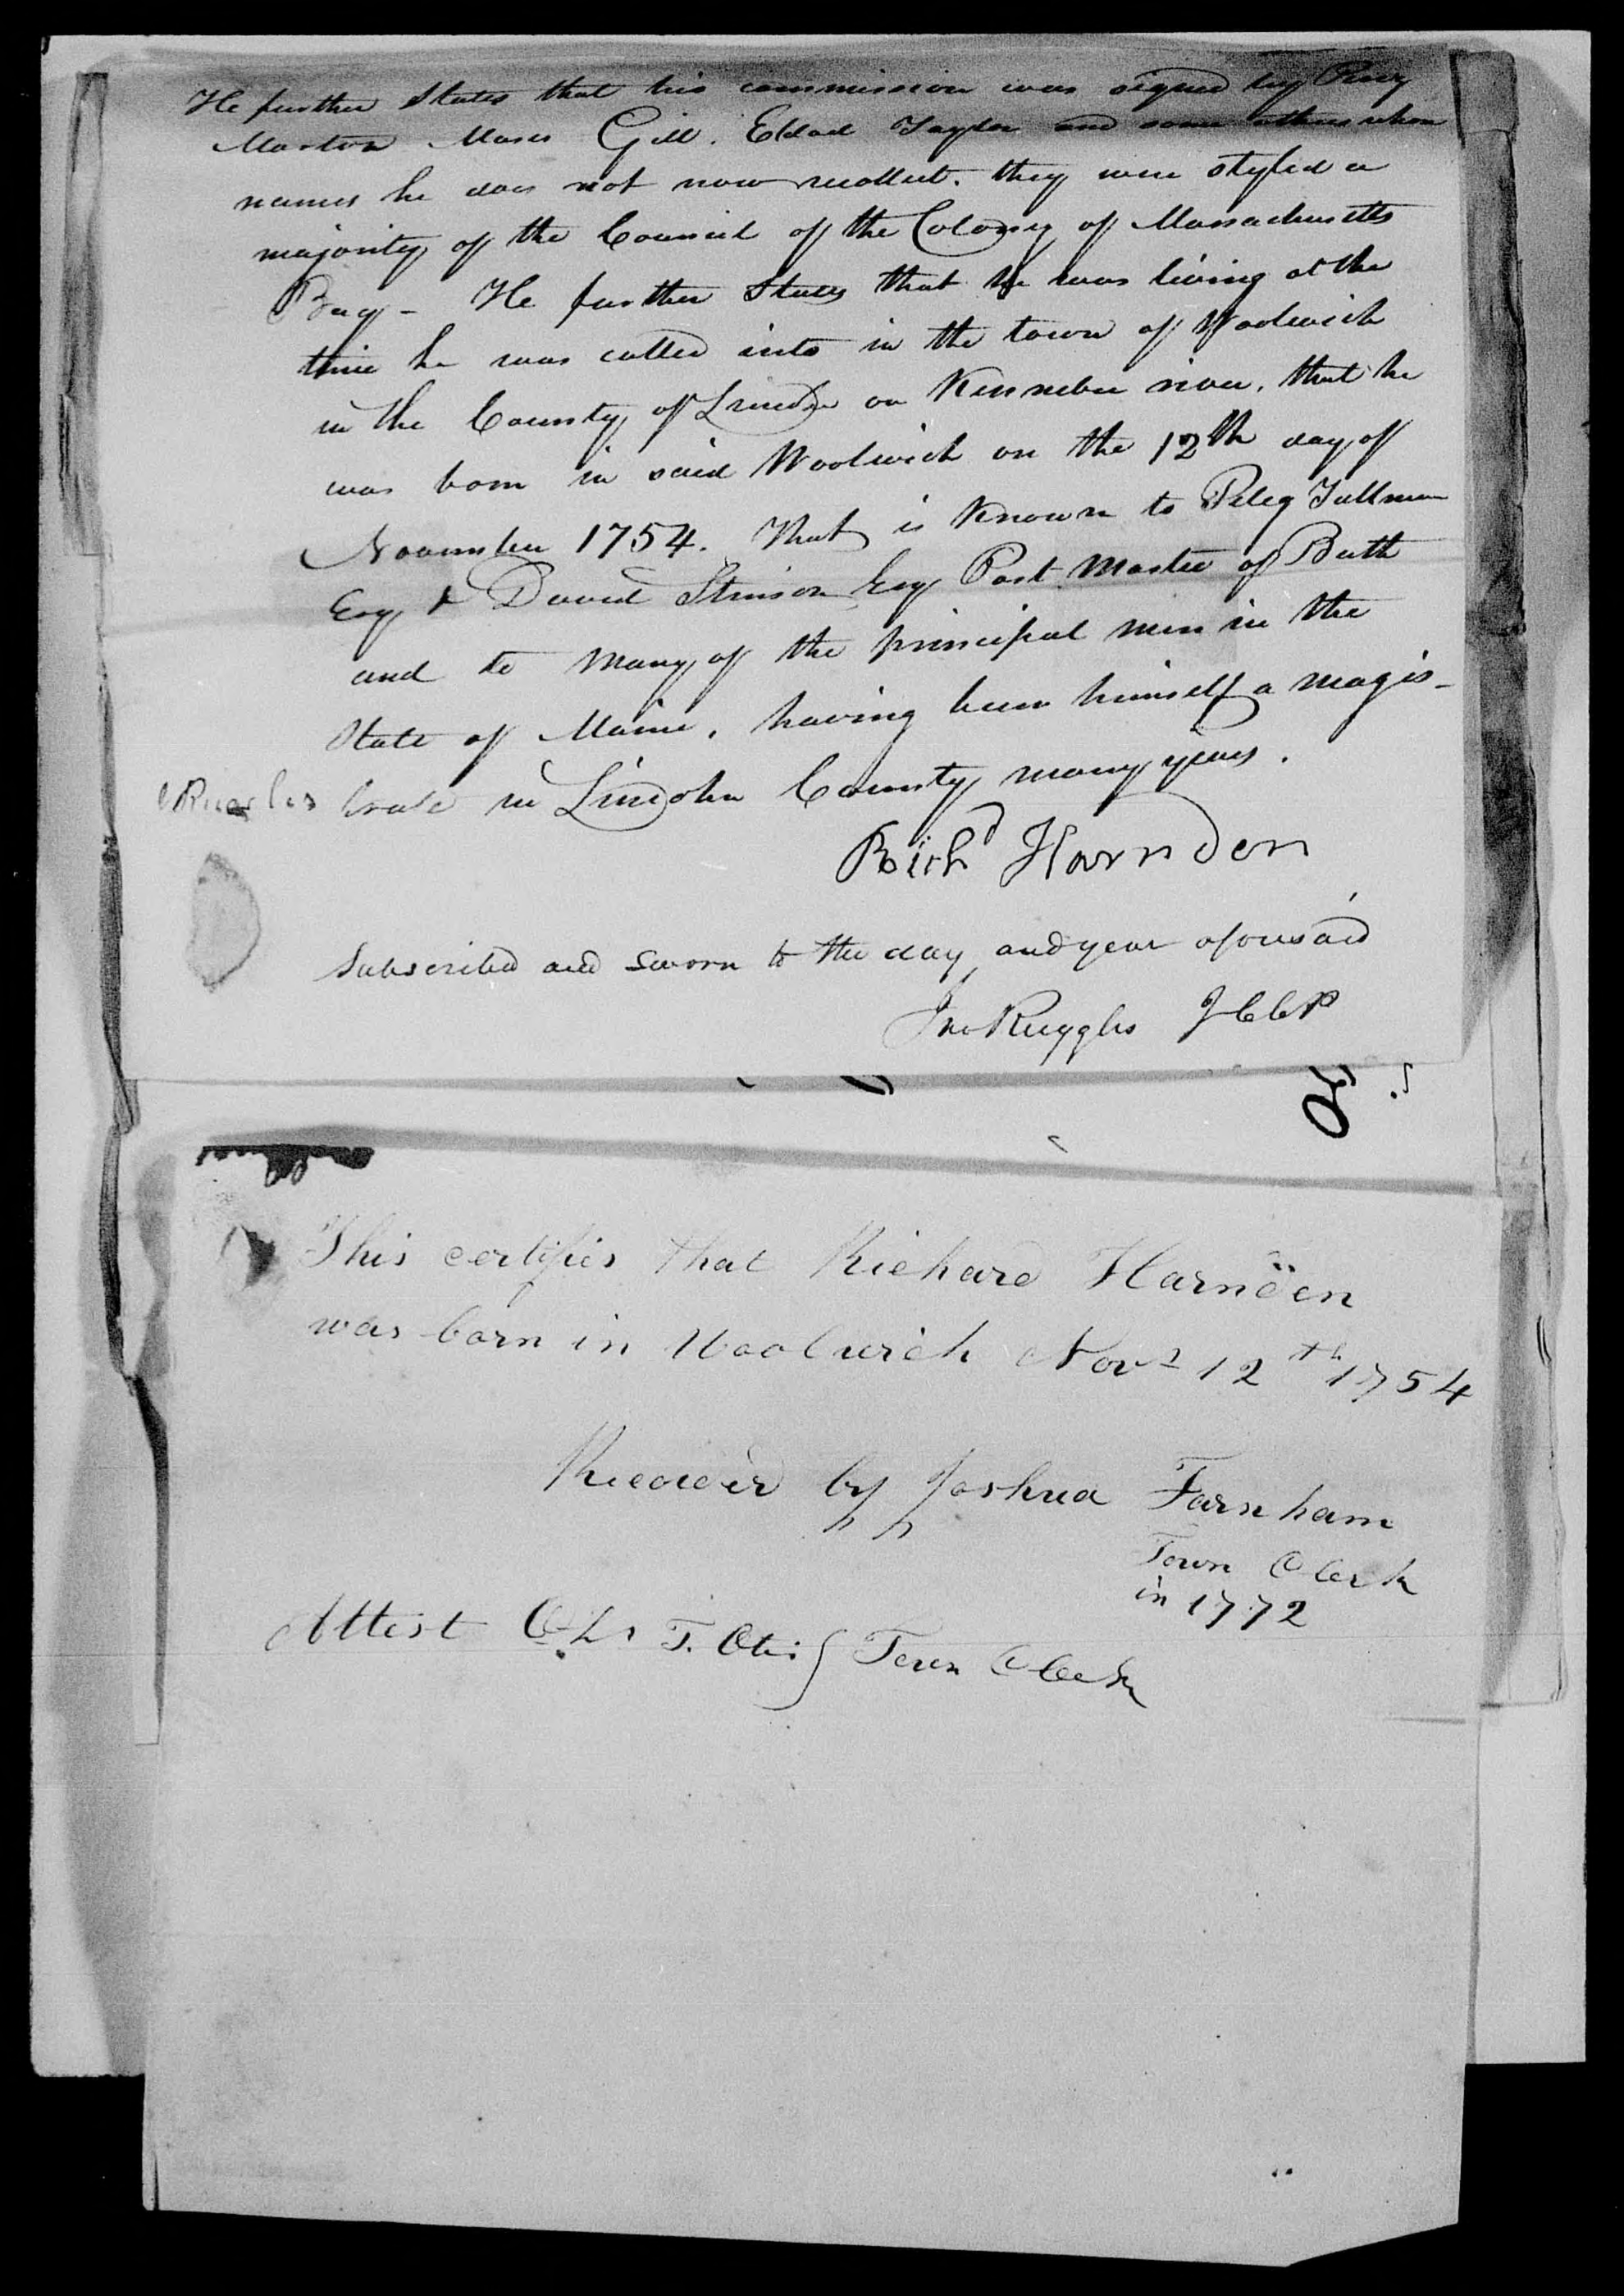He further States that his commission was signed by Perry Morton Moses Gill Eldad Taylor and others whose names he does not now recollect. they were styled a majority of the Council of the Colony of Massachusetts BAy- He further States that he was living at the time he was called into in the town of Woolwich in the County of Lincoln on Kennebec river. that he was born in said Woolwich on the 12th day of November 1754. That is known  to Peleg Tallman Esq & David Stinson  Esq Post Master of Bath and to many of the principal men in the State of Maine, having been himself a magistrate inn Lincoln County many years.
Richd Harnden
Subscribed and sworn to the day and year aforesaid
Jno Ruggles      P.C.C.P.

This certifies that Richard Harnden was born in Woolwich Nov 12th 1754

Recorded  by Joshua Farnham
Town Clerk 
in 1772
Attest Chs T Otis Town Clerk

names: Richd Harnden, Jno Ruggles, Moses Gill, Ruggles, Peleg Tallman, David Stinson, Perry Morton, Eldad Taylor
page: 6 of 10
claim: survivor's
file: S. 29,195, Richard Harnden, Mass.